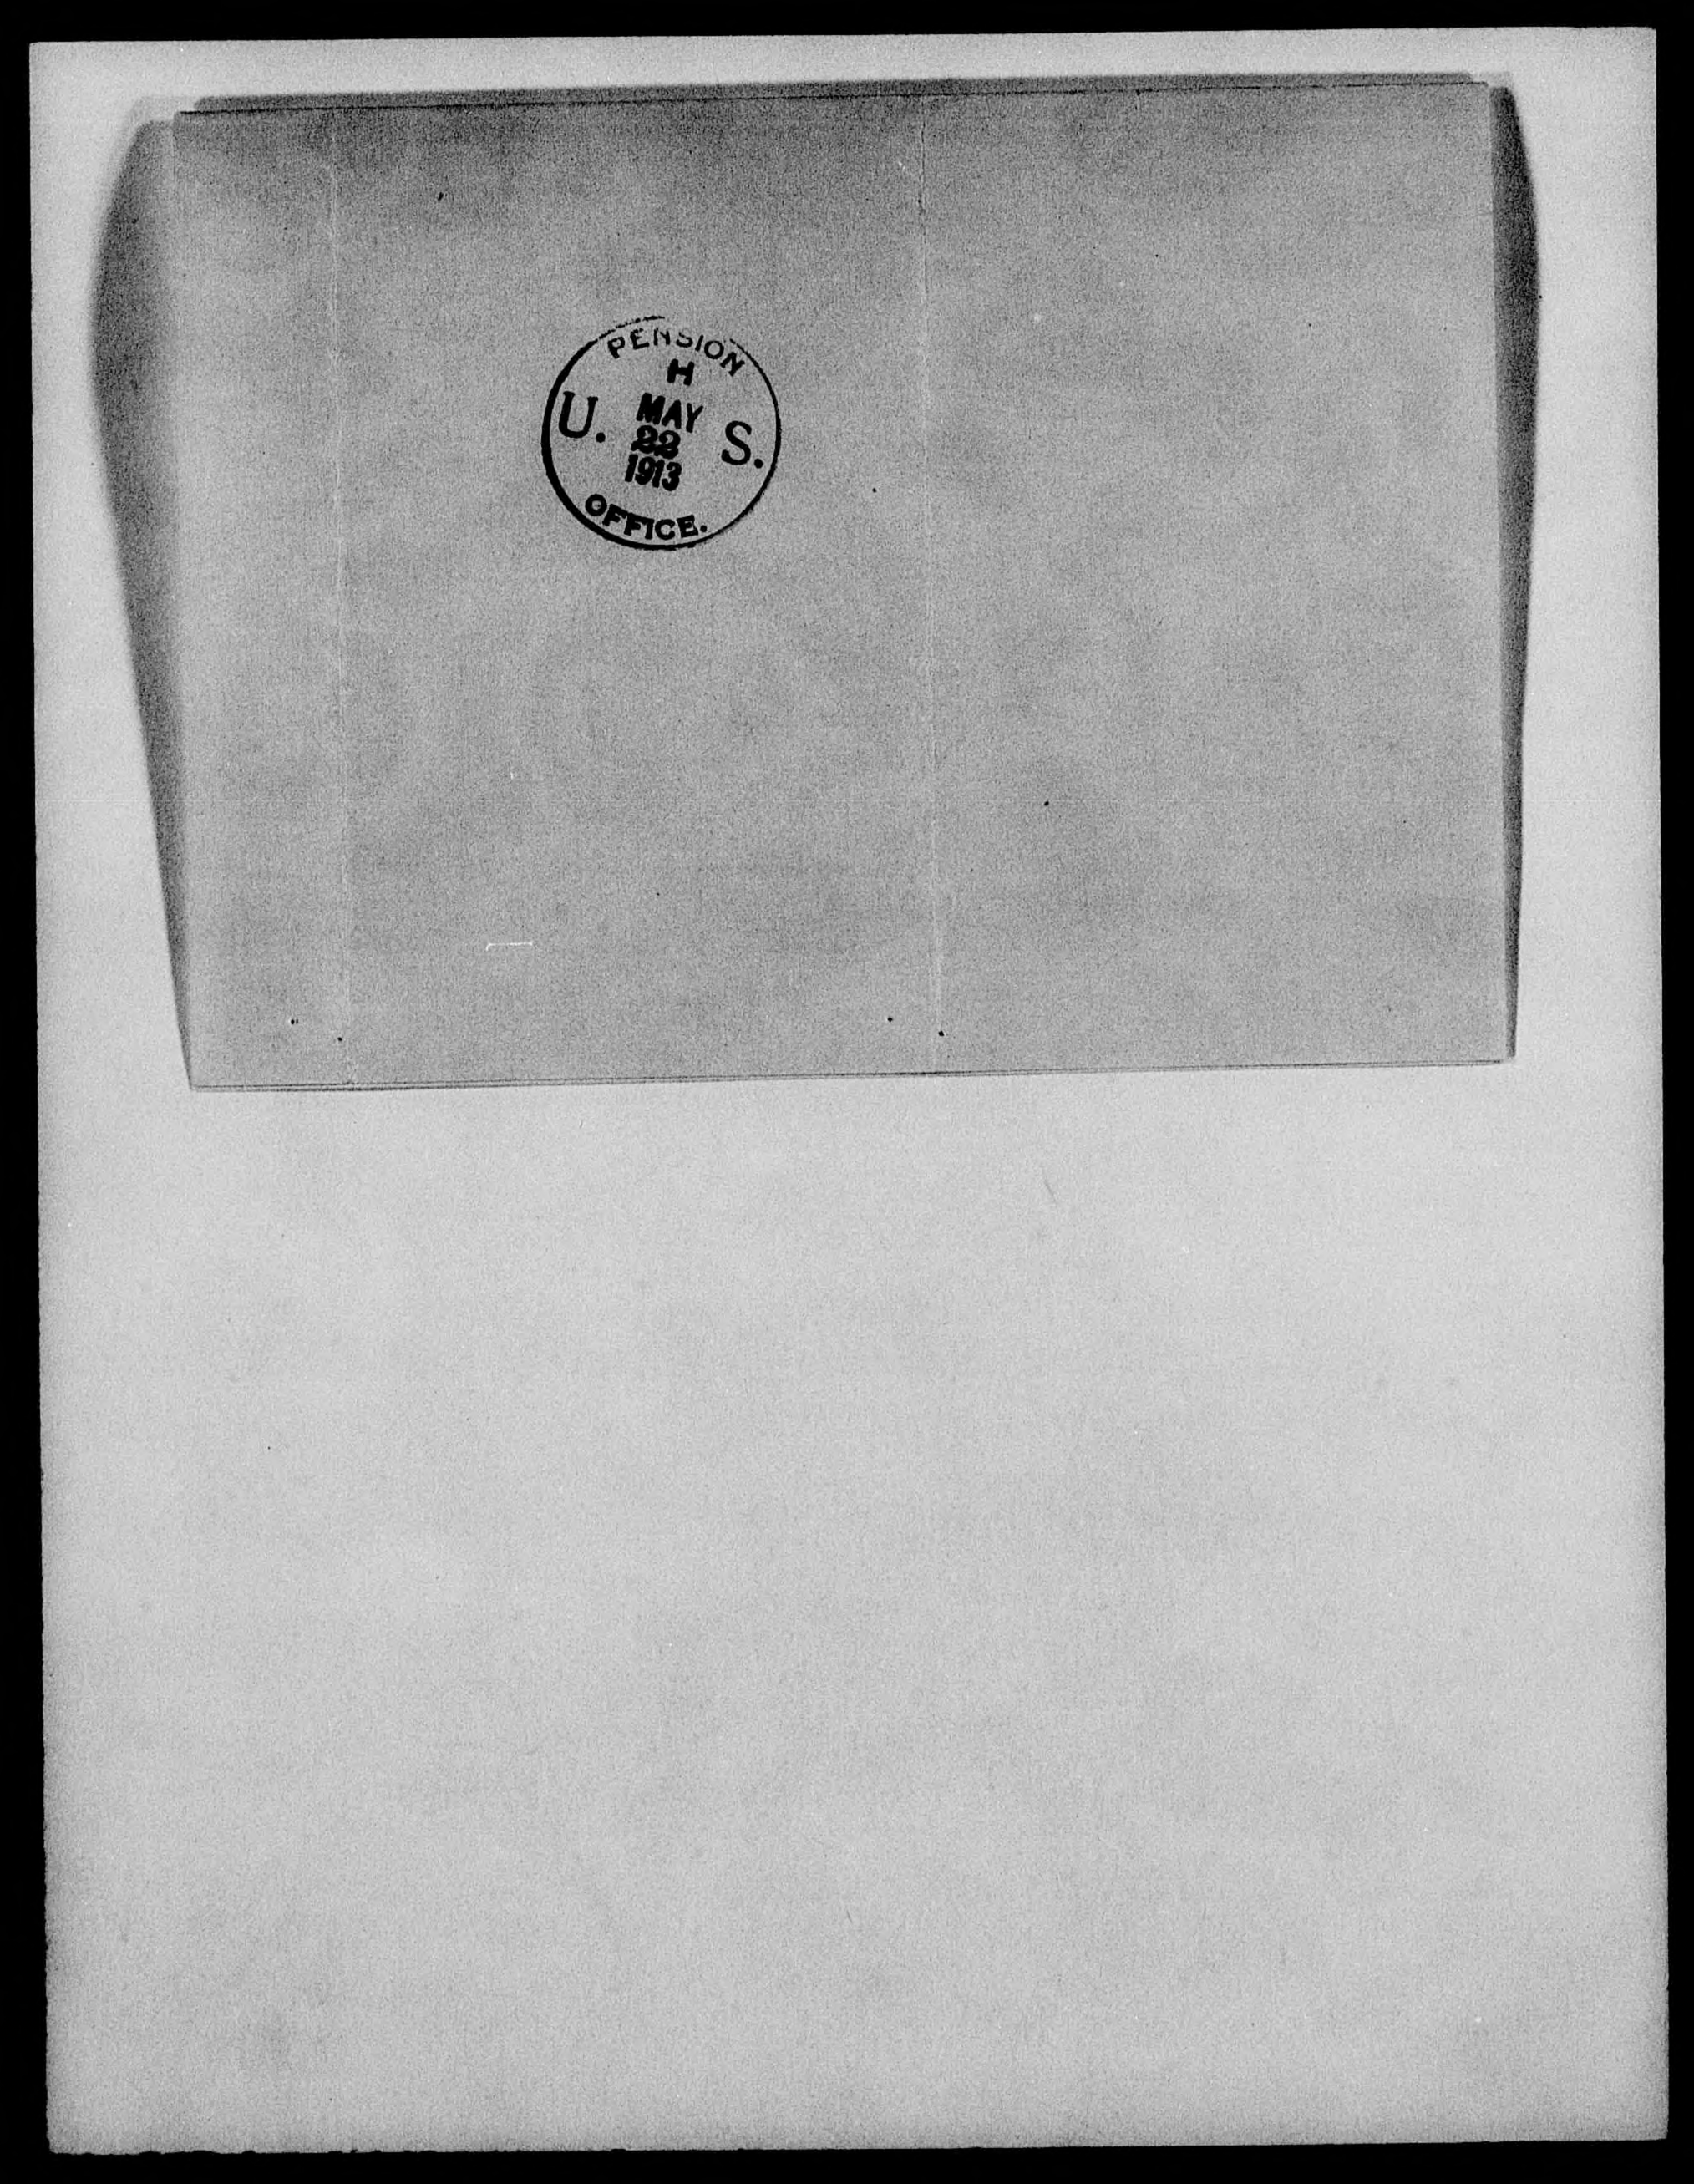[Round black ink stamp]
PENSION H
U. S. MAY 22 1913
OFFICE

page: 23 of 30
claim: survivor's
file: S. 31753, John Holman, Va.